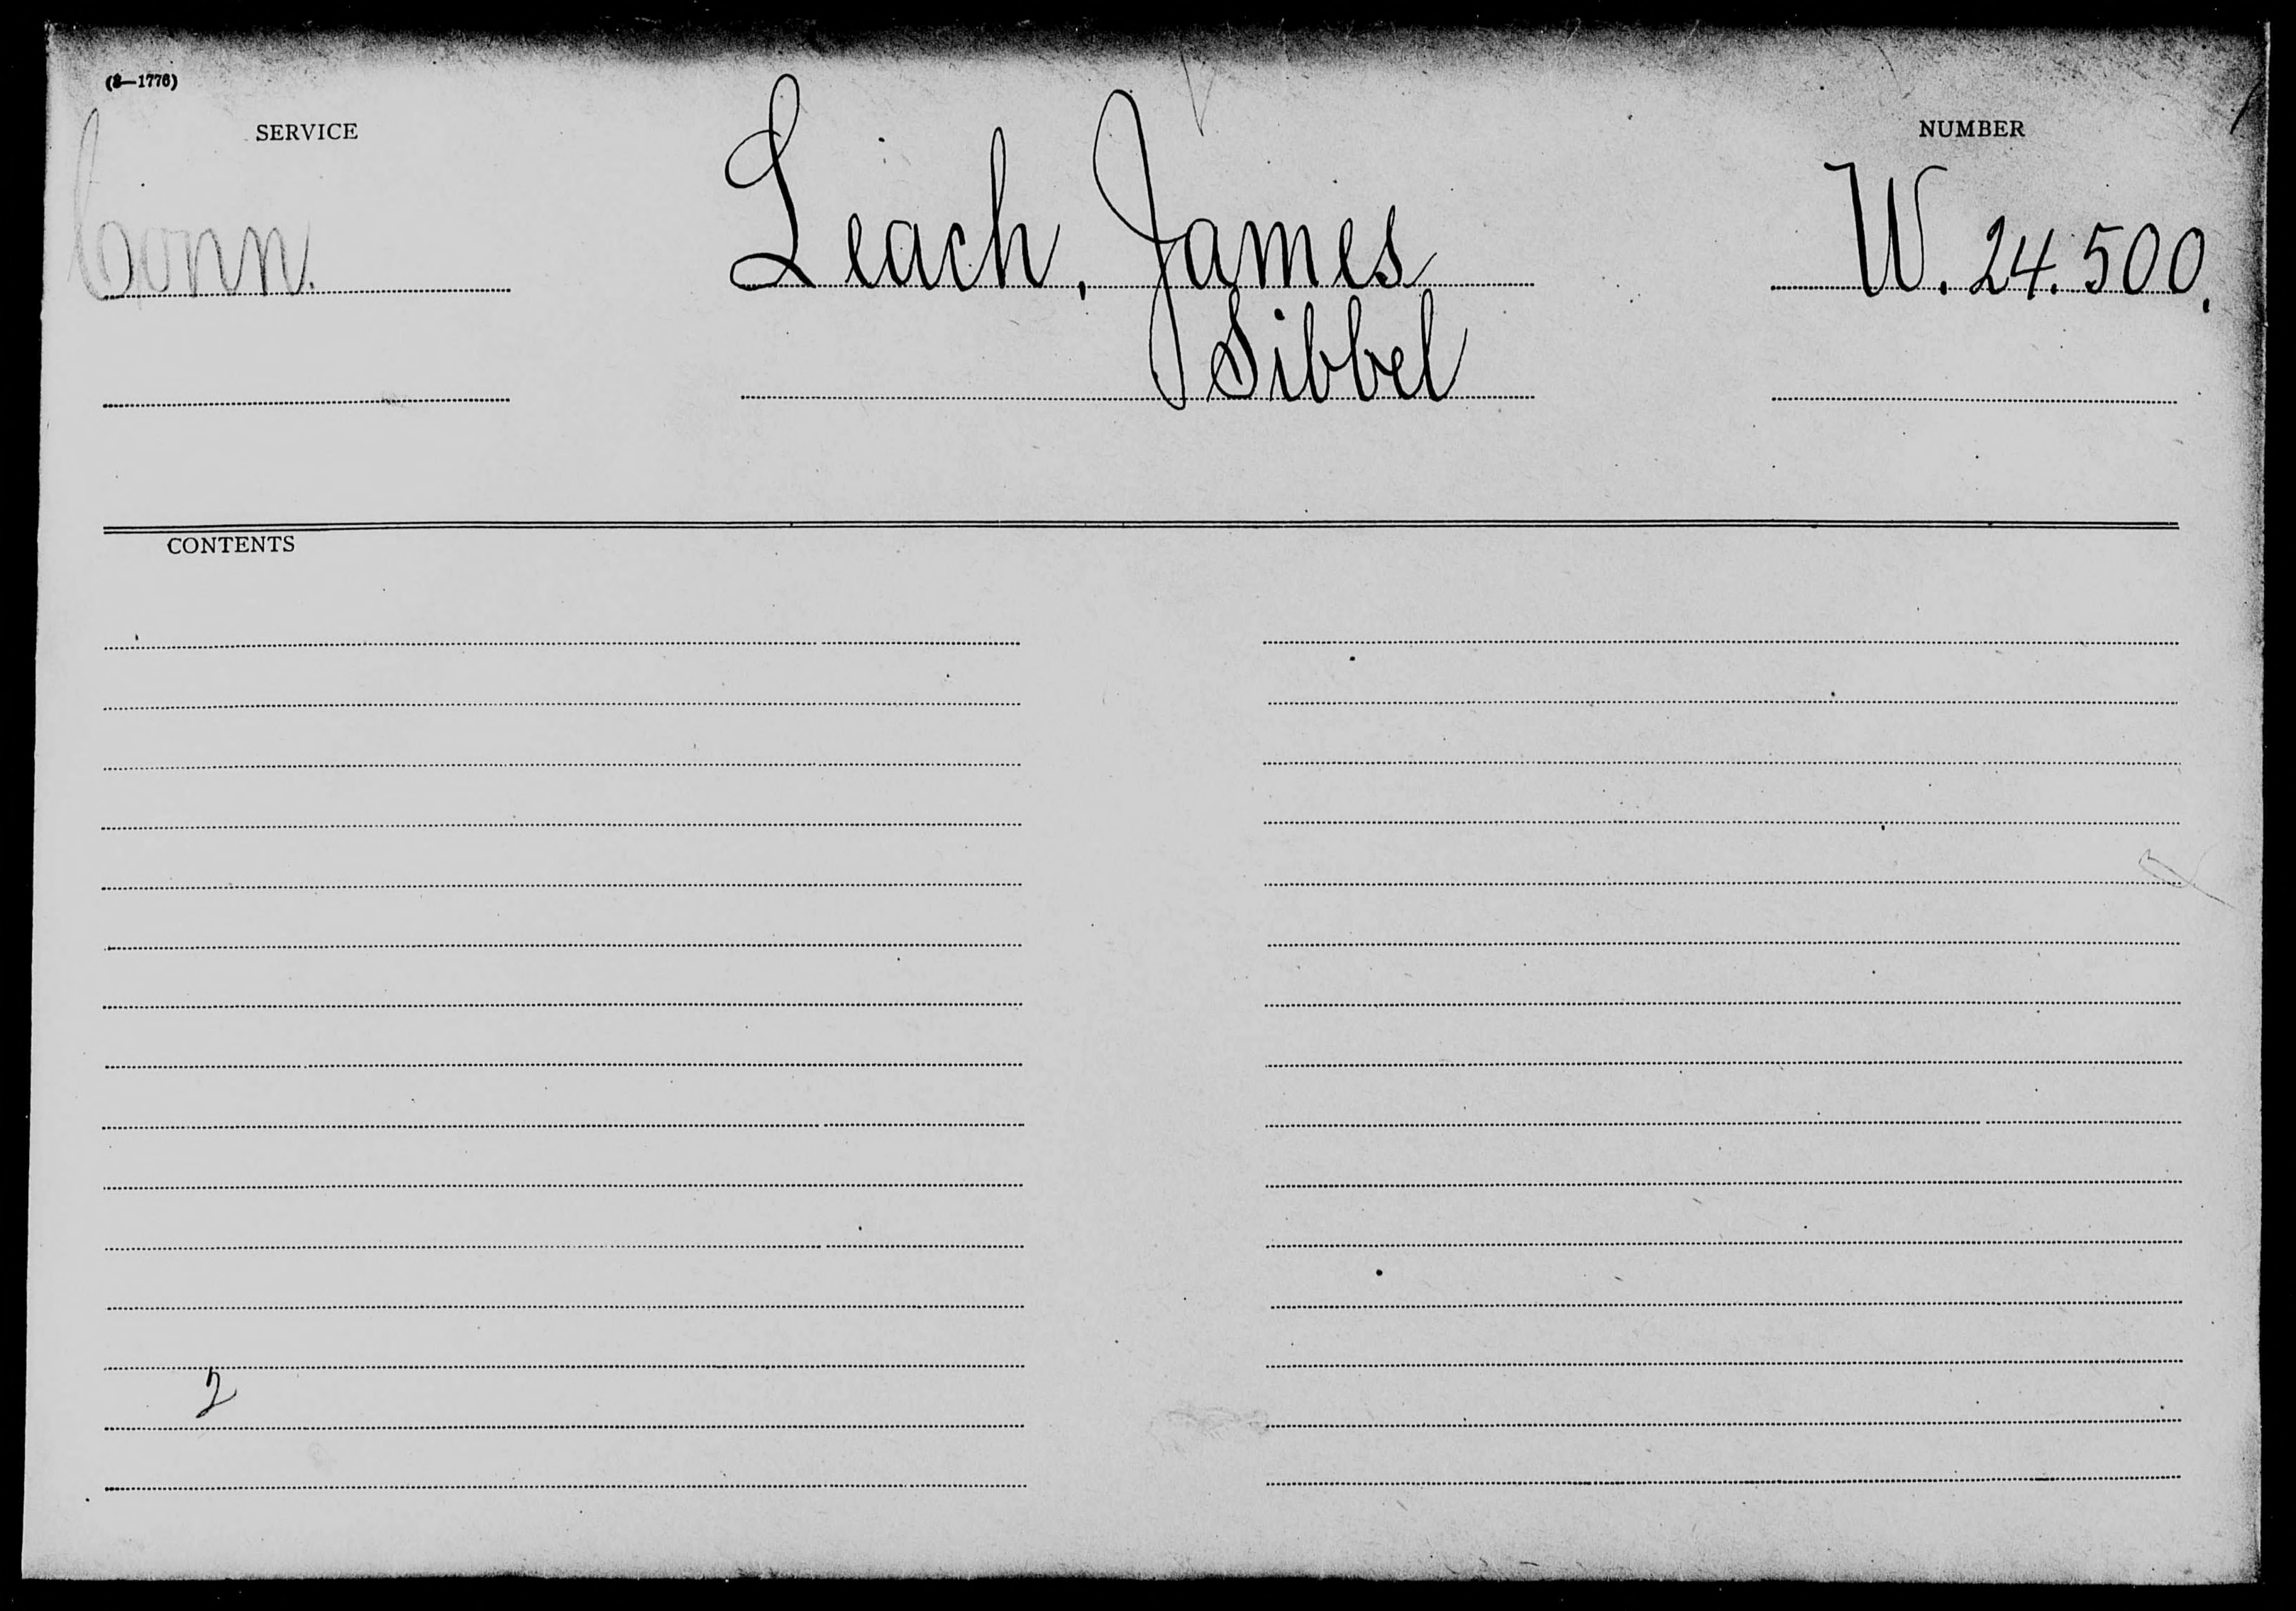SERVICE
Conn
Leach, James Sibbel
NUMBER
W. 24.500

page: 1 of 27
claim: widow's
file: W. 24,500, for James Leach, Connecticut